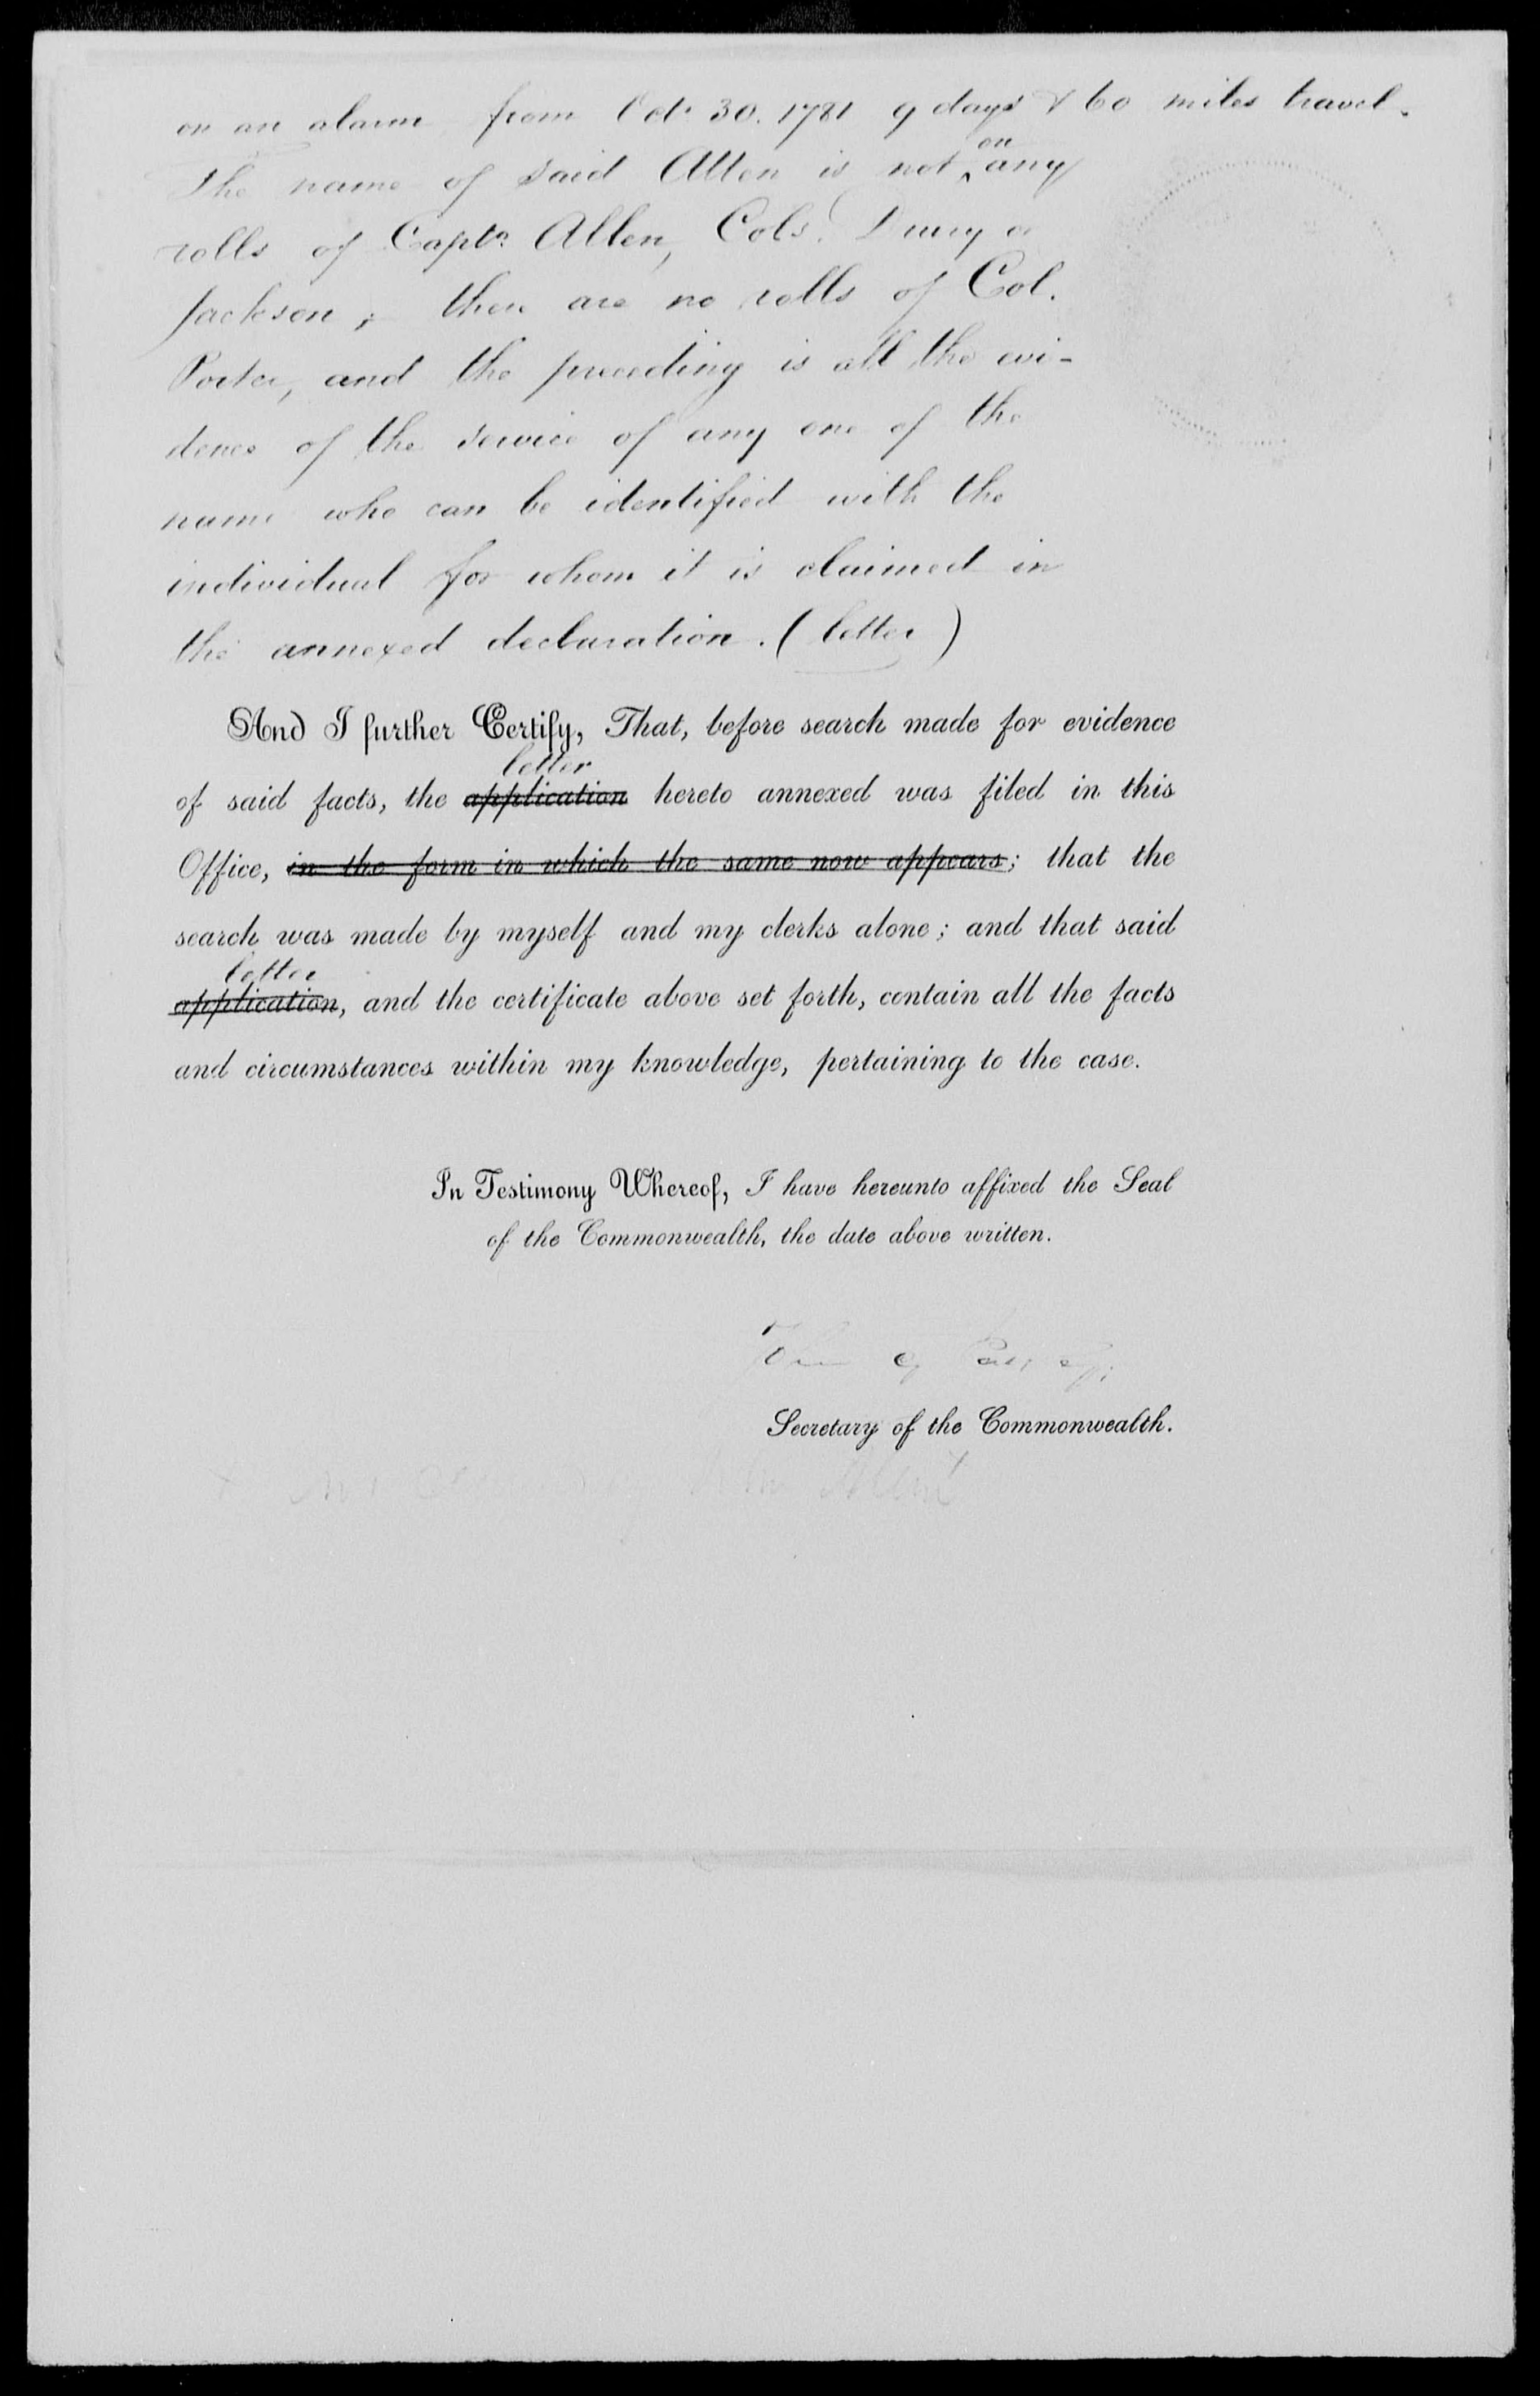on an alarm from Oct. 30. 1781 9 days & 60 miles travel. The name of said Allen is not ^on any rolls of Capt Allen, Cols Drury or Jackson, there are no rolls of Col. Potter, and the preceding is all the evidence of the service of any one of the name who can be identified with the individual for whom it is claimed in the annexed declaration, (letter)
 And I further Certify, That, before search made for evidence of said facts, the letter [application is crossed out] hereto annexed was filed in this Office, [crossed out]in the form in which the same now appears [/crossed out] that the search was made by myself and my clerks alone; and that said letter [application is crossed out], and the certificate above set forth, contain all the facts and circumstances within my knowledge, pertaining to the case.
In Testimony Whereof, I have hereunto affixed the Seal 
of the Commonwealth, the date above written 
John G Palfrey [signature]
 of Secretary of the Commonwealth.
[Very faint writing]
X no record of John Allen X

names: Drury, Jackson, John G Paisley, Porter, Allen, Allen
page: 42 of 74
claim: widow's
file: W. 23424, John Allen, Mass. R. I.